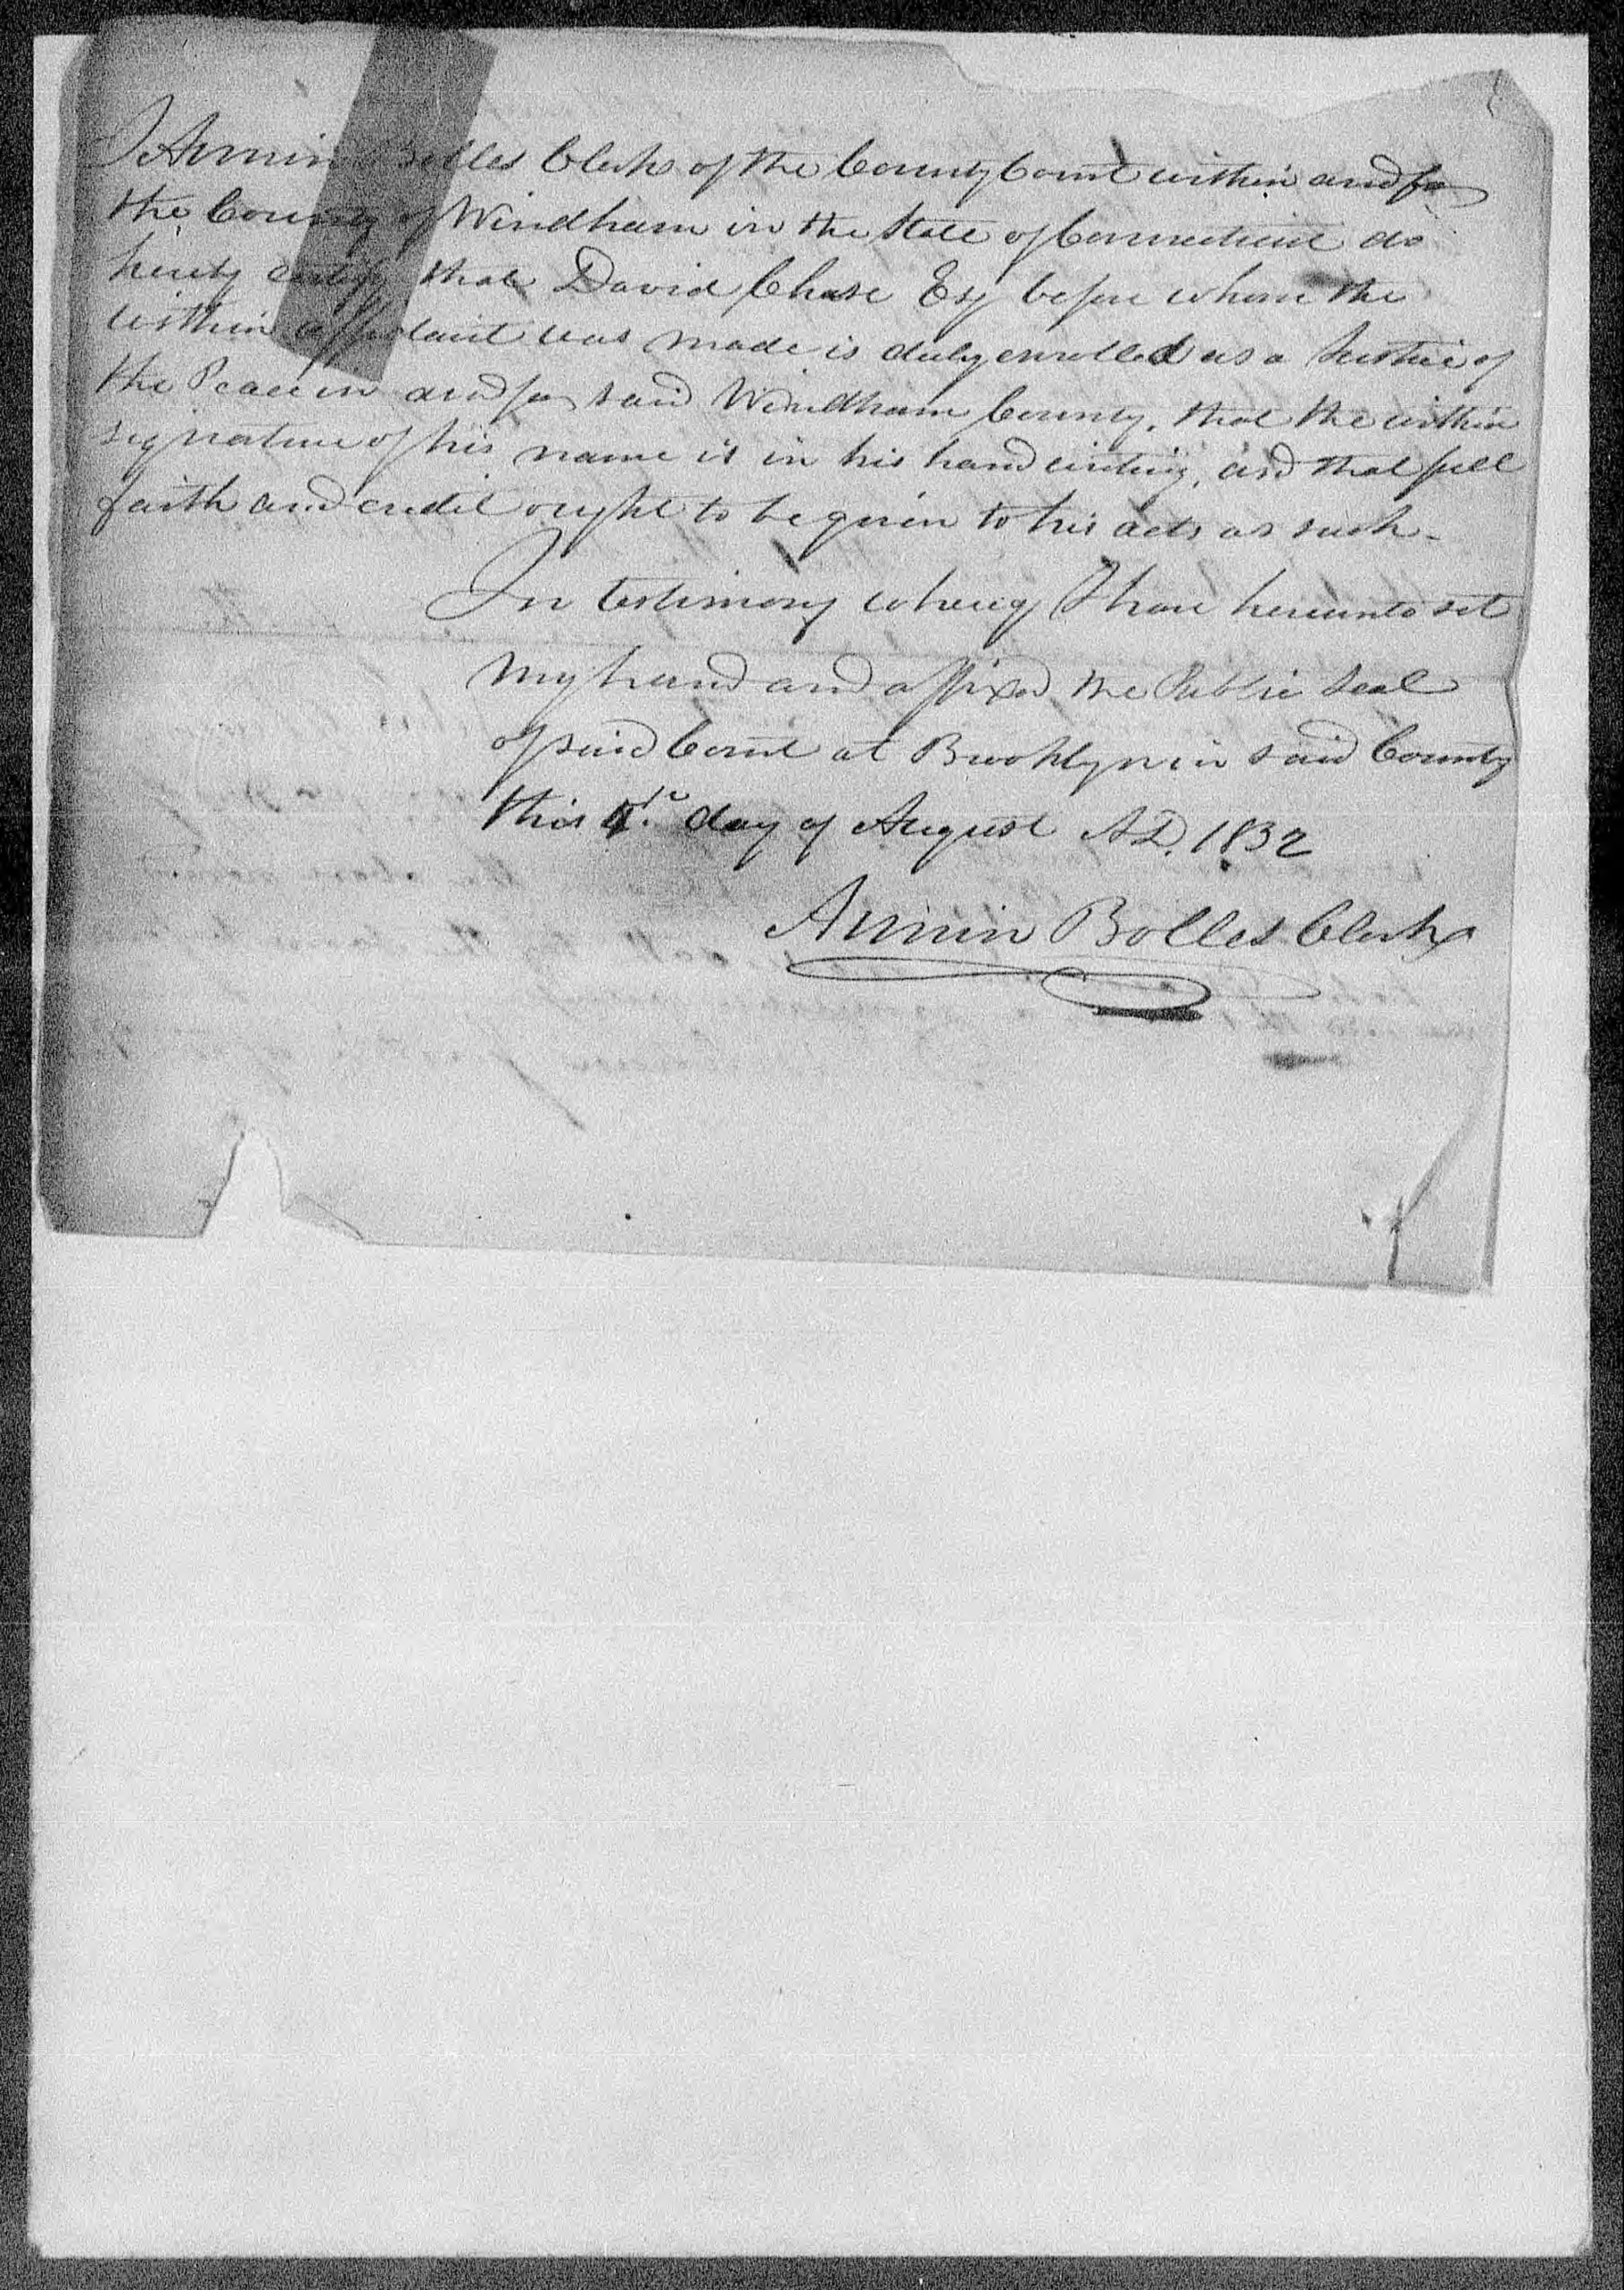I Armin Bolles Clerk of the County Court within and of the County of Windham in the State of Connecticut do hereby certify that David Chase Esq before whom the within affidavit was made is duly enrolled as a Justice of the Peace in aforesaid Windham County that the within signature of his name is in his handwriting and that free faith and credit ought to be given to his acts as such.
In testimony wherein I have hereunto set my hand and affixed the public seal of said court at Brooklyn in said County this 4th day of August AD 1832
Armin Bolles Clerk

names: Armin Bolles, Armin Bolles, David Chase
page: 19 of 34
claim: survivor's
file: S. 31,605, Elias Child, Conn.